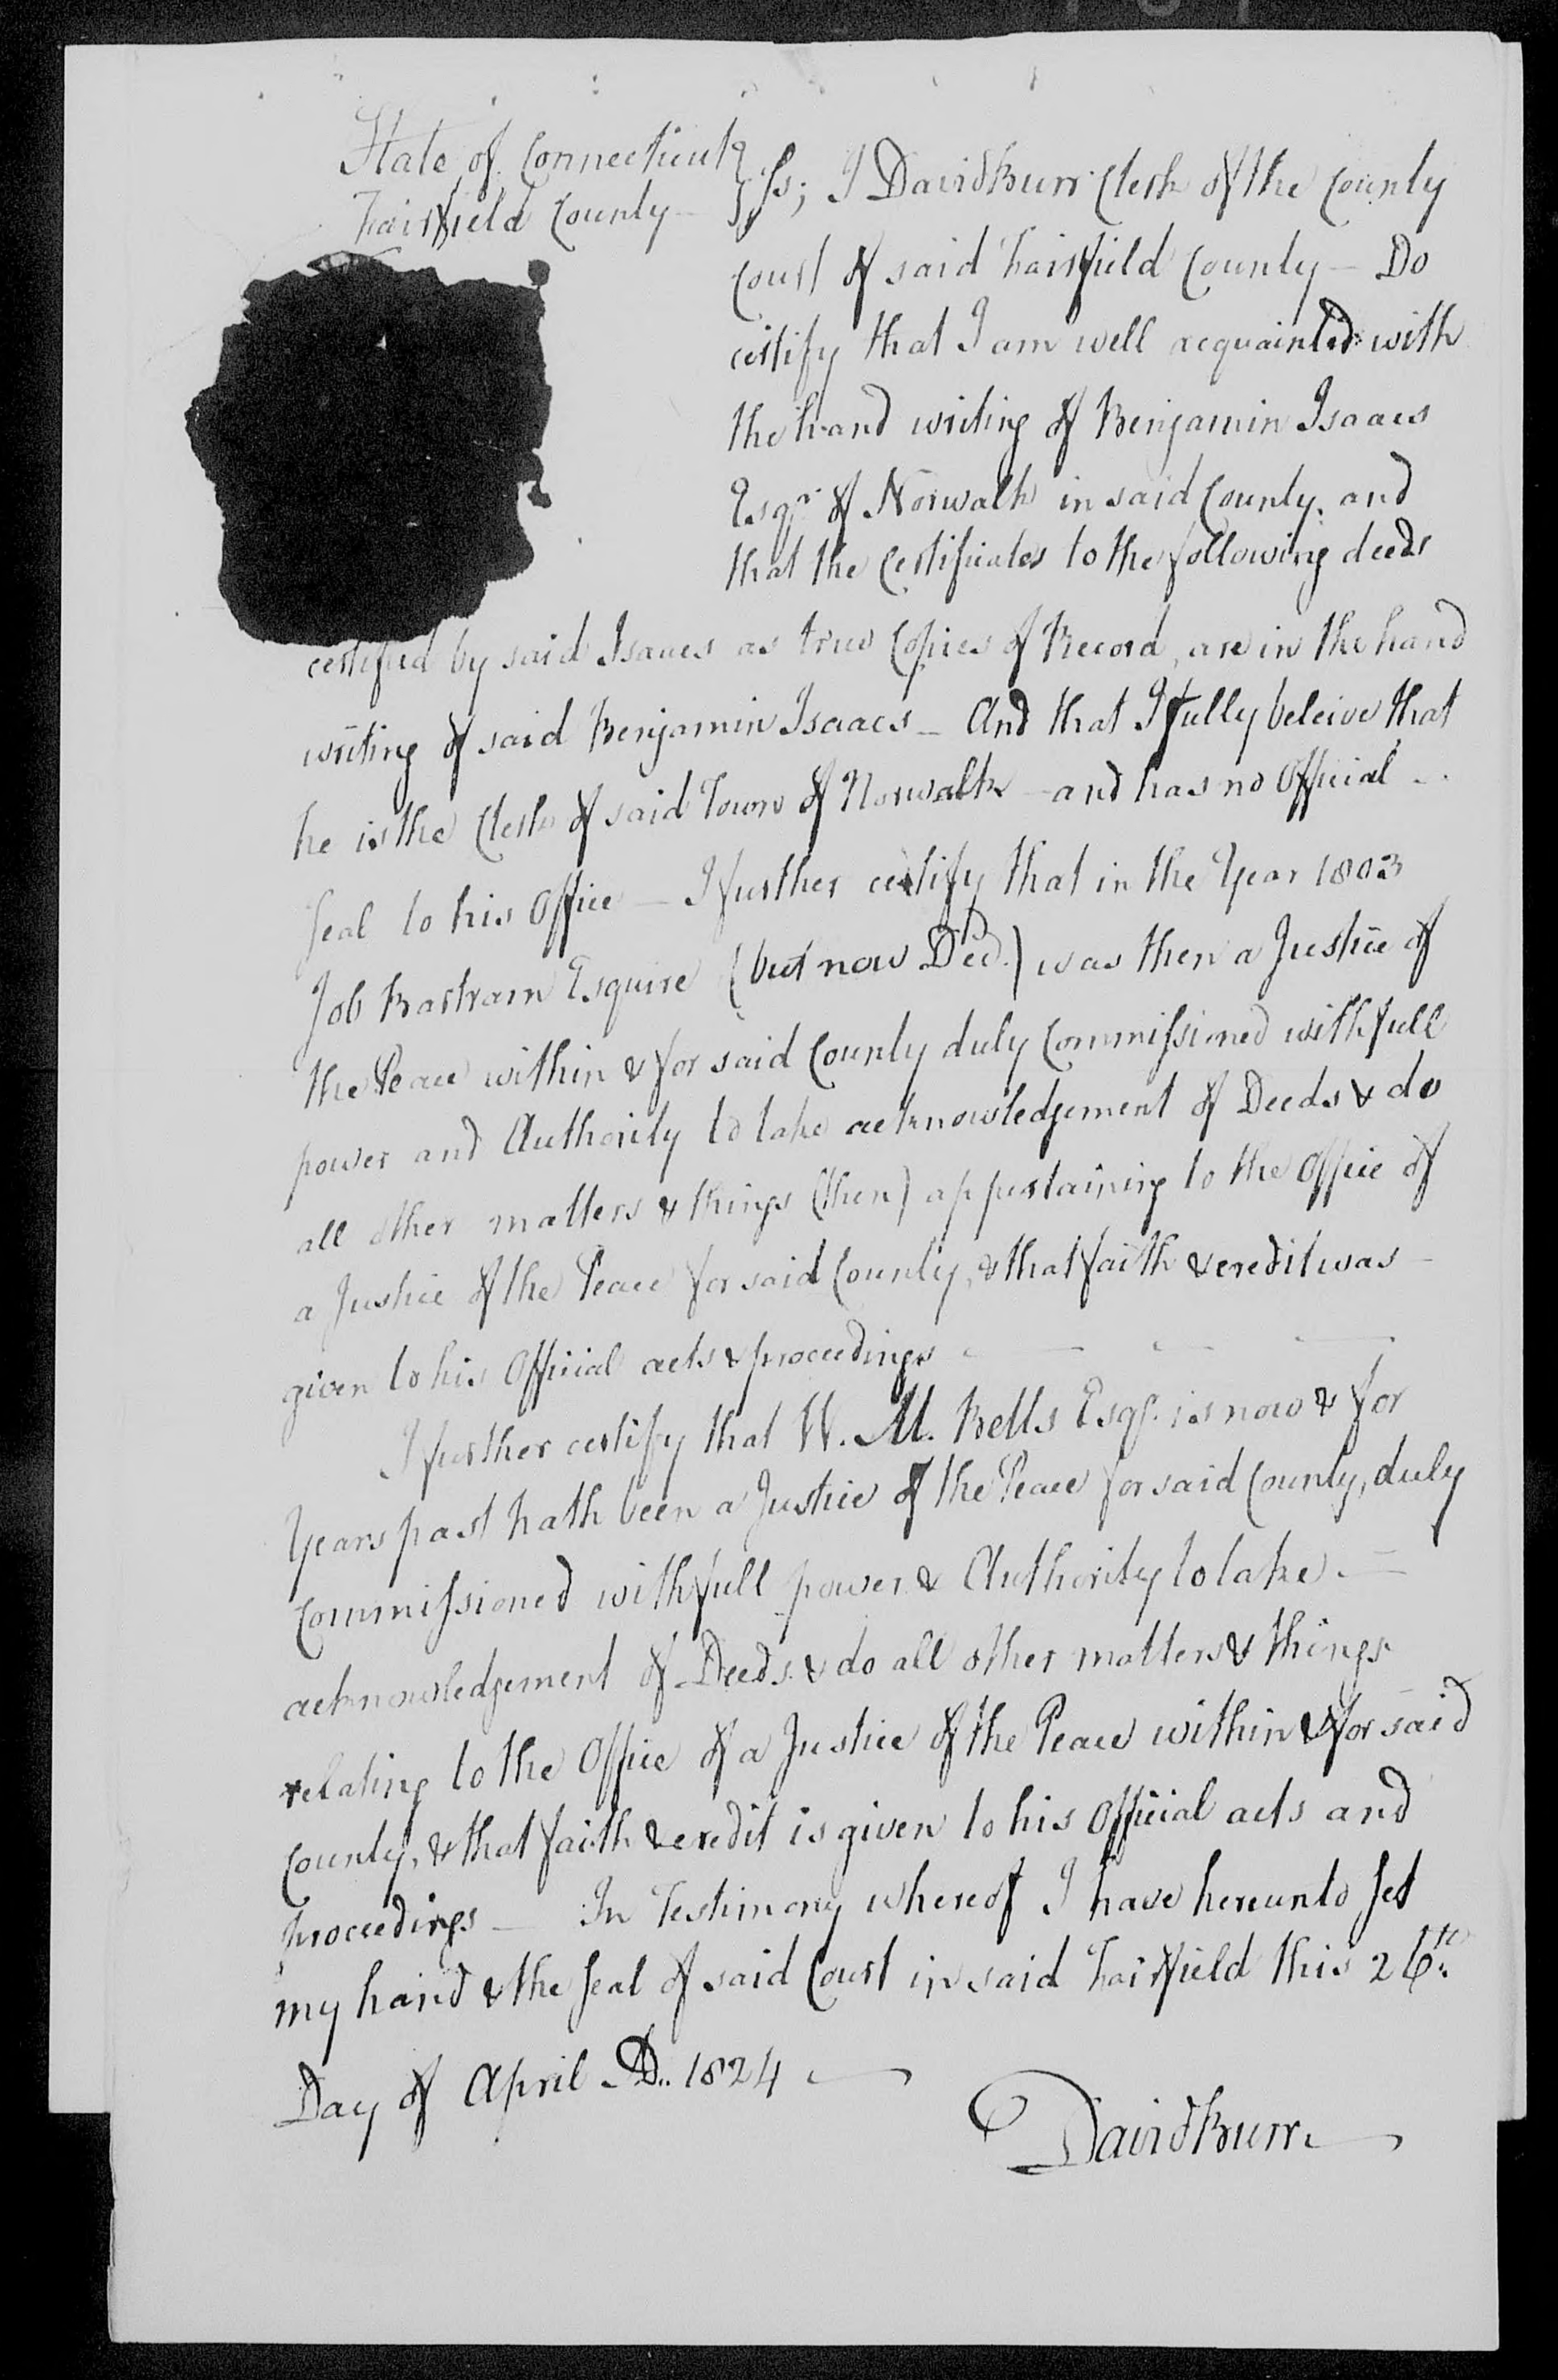State of Connecticut
Fairfield County} ss.
I David Burr Clerk of the County Court of said Fairfield County do certify that I am well acquainted with the hand writing of Benjamin Isaacs Esq of Norwalk in said County, and that the certificates to the following deeds certified by said Isaacs as true copies of Record, are in the hand writing of said Benjamin Isaacs, and that I fully believe that he is the Clerk of said Town of Norwalk, and has no Official Seal to his Office. I further certify that in the year 1803 Job Bartram Esquire (but now decd) was then a Justice of the Peace within & for said County duly commissioned with full power and authority to take acknowledgements of Deeds & do all other matters & things (then) [unk] to the Office of a Justice of the Peace for said County, & that faith & credit was given to his official acts & proceedings.
I further certify that W. M. Betts Esq. is now & for years past hath been a Justice of the Peace for said County, duly commissioned with full power & authority to take acknowledgement of Deeds & do all other matters & things relating to the Office of a Justice of the Peace within & for said County, & that faith & credit is given to his official acts and proceedings. In testimony whereof I have hereunto set my hand & the seal of said Court ins said Fairfield this 26th day of April AD 1824.
David Burr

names: David Burr, David Burr, Benjamin Isaacs, Job Bartram, Isaacs, Benjamin Isaacs, W M Betts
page: 29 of 61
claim: widow's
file: W. 29,929, Hezekiah Betts, Conn.